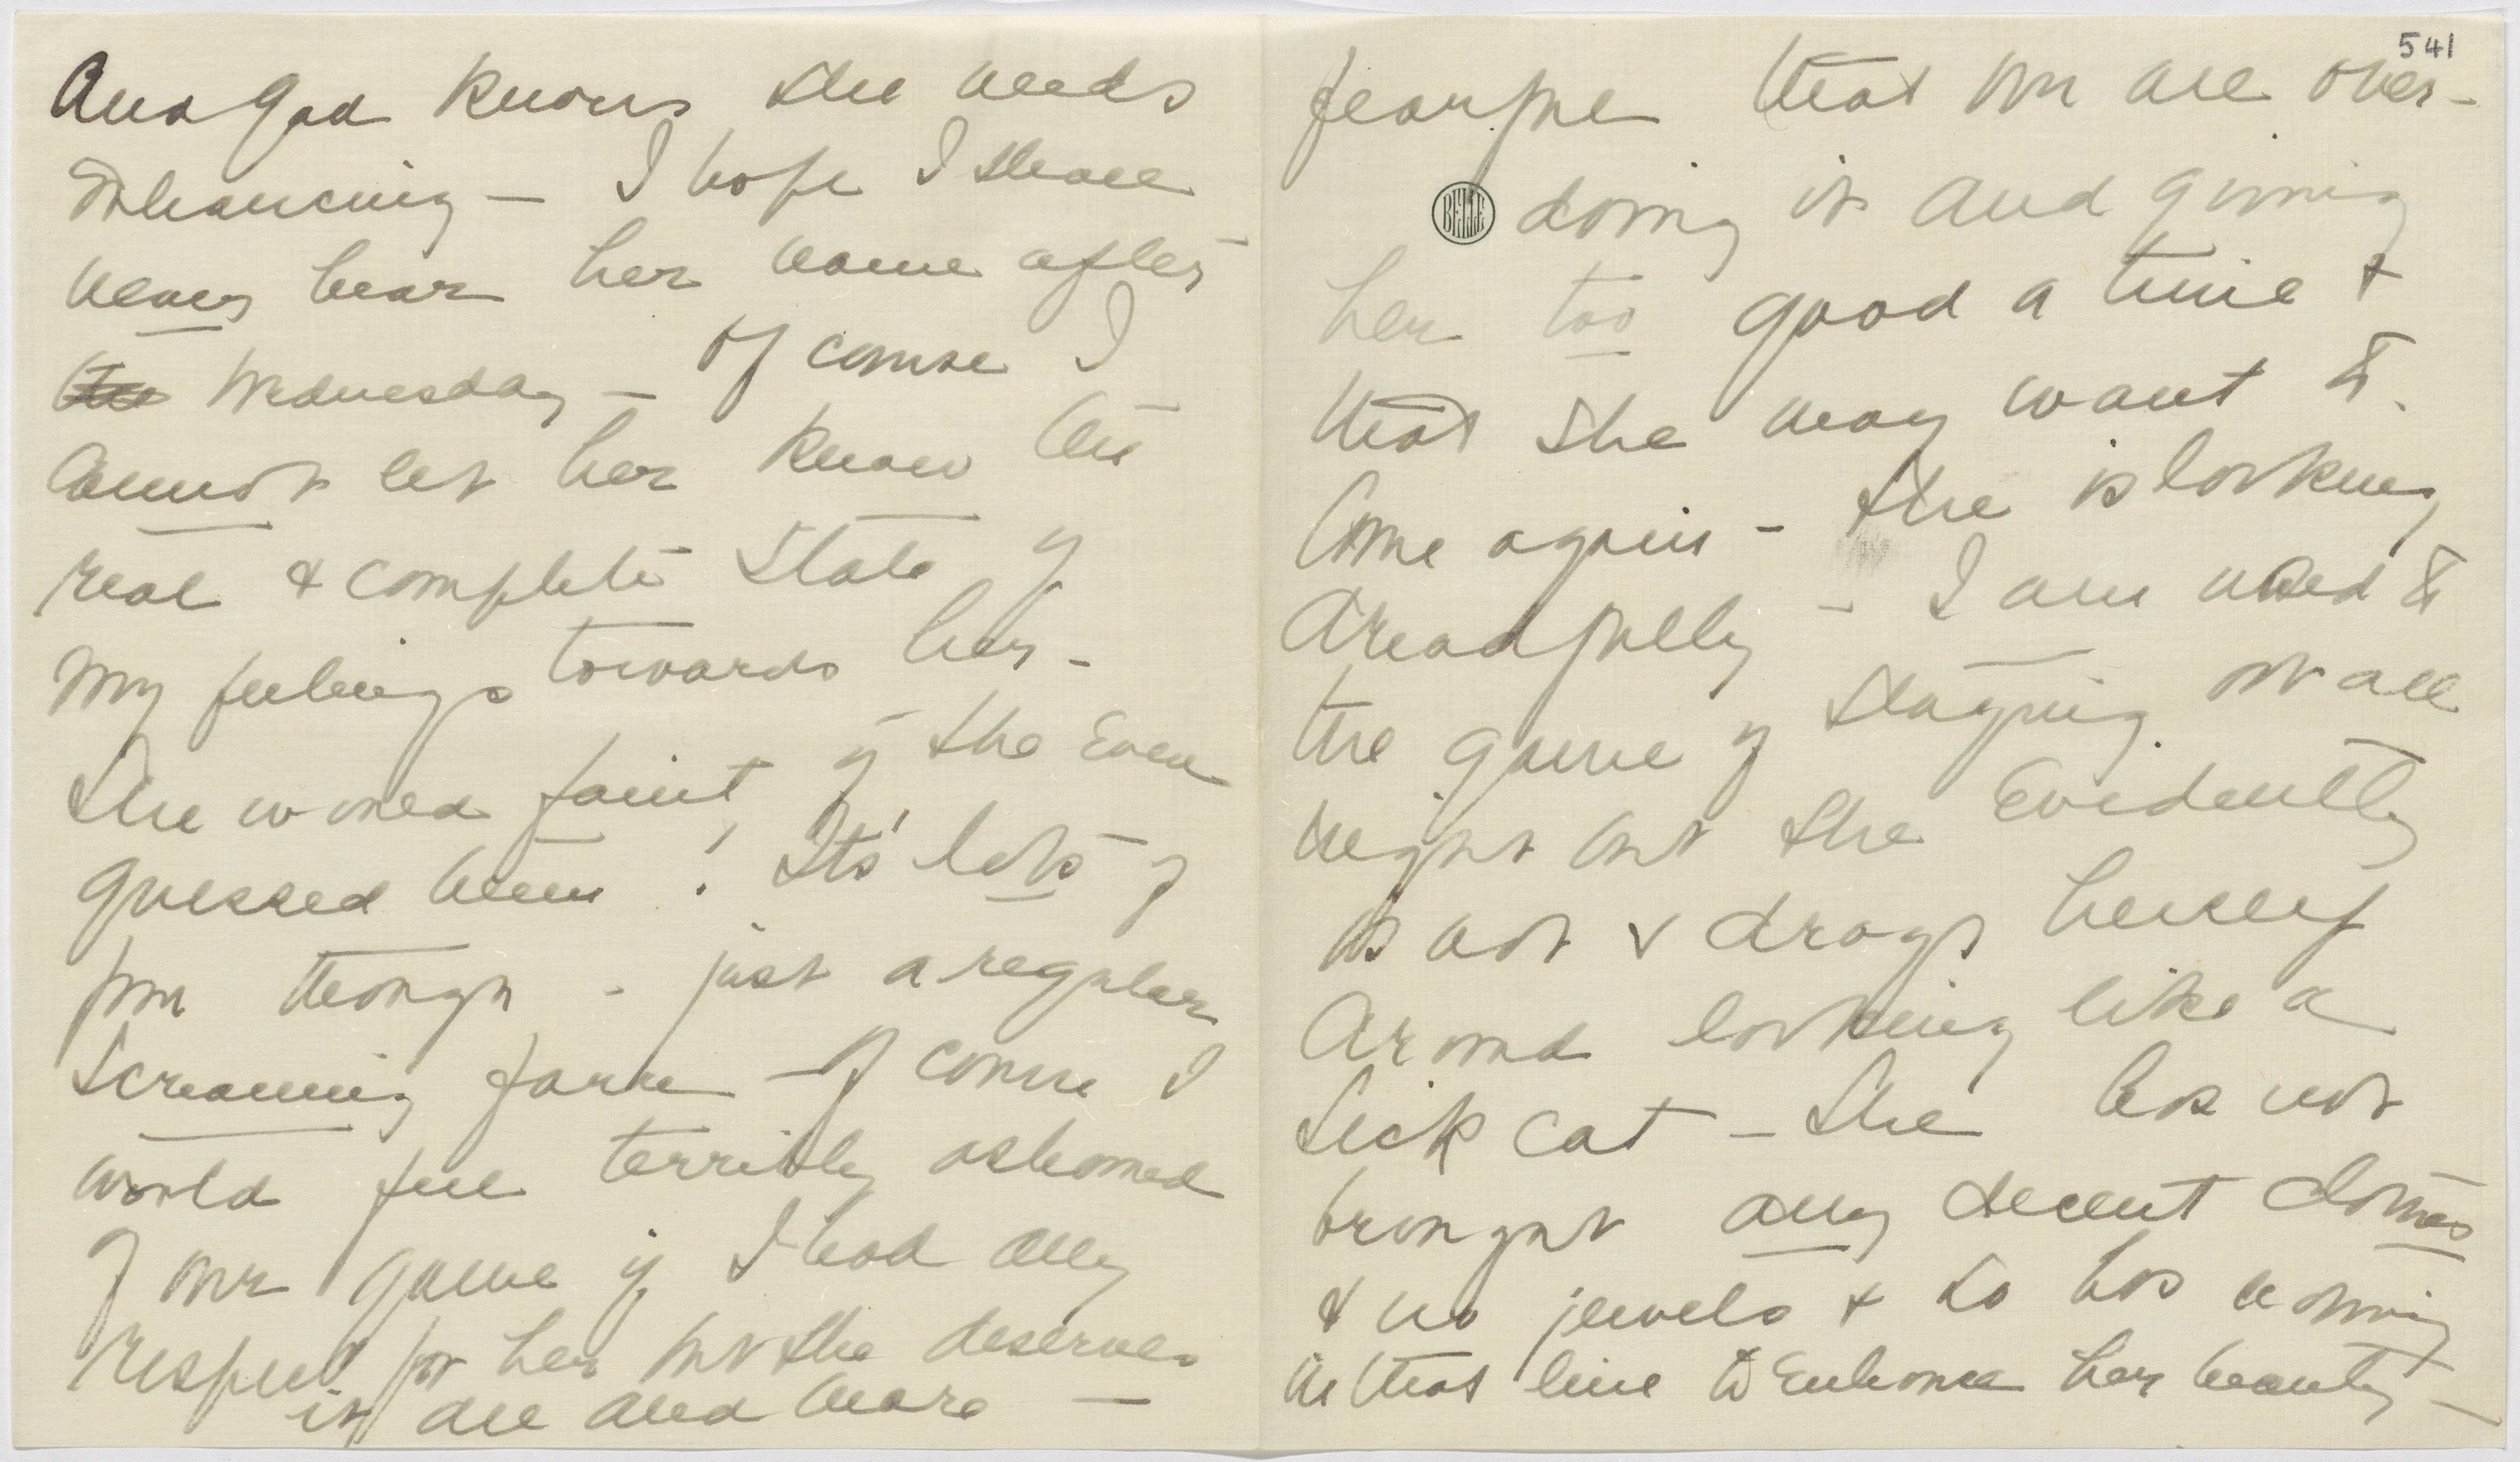fearful that we are overdoing it and giving her too good a time & that she may want to come again – She is looking dreadfully – I am used to the game of staying out all night but she evidently is not & drags herself around looking like a sick cat – She has not brought any decent clothes & no jewels & so has nothing in that line to enhance her beauty –
And god knows she needs enhancing – I hope I shall never hear her name after M Wednesday – of course I cannot let her know the real & complete state of my feelings towards her – She would faint if she even guessed them! It’s lots of fun though – just a regular screaming farce – of course I would feel terribly ashamed of our game if I had any respect for her but she deserves it all and more